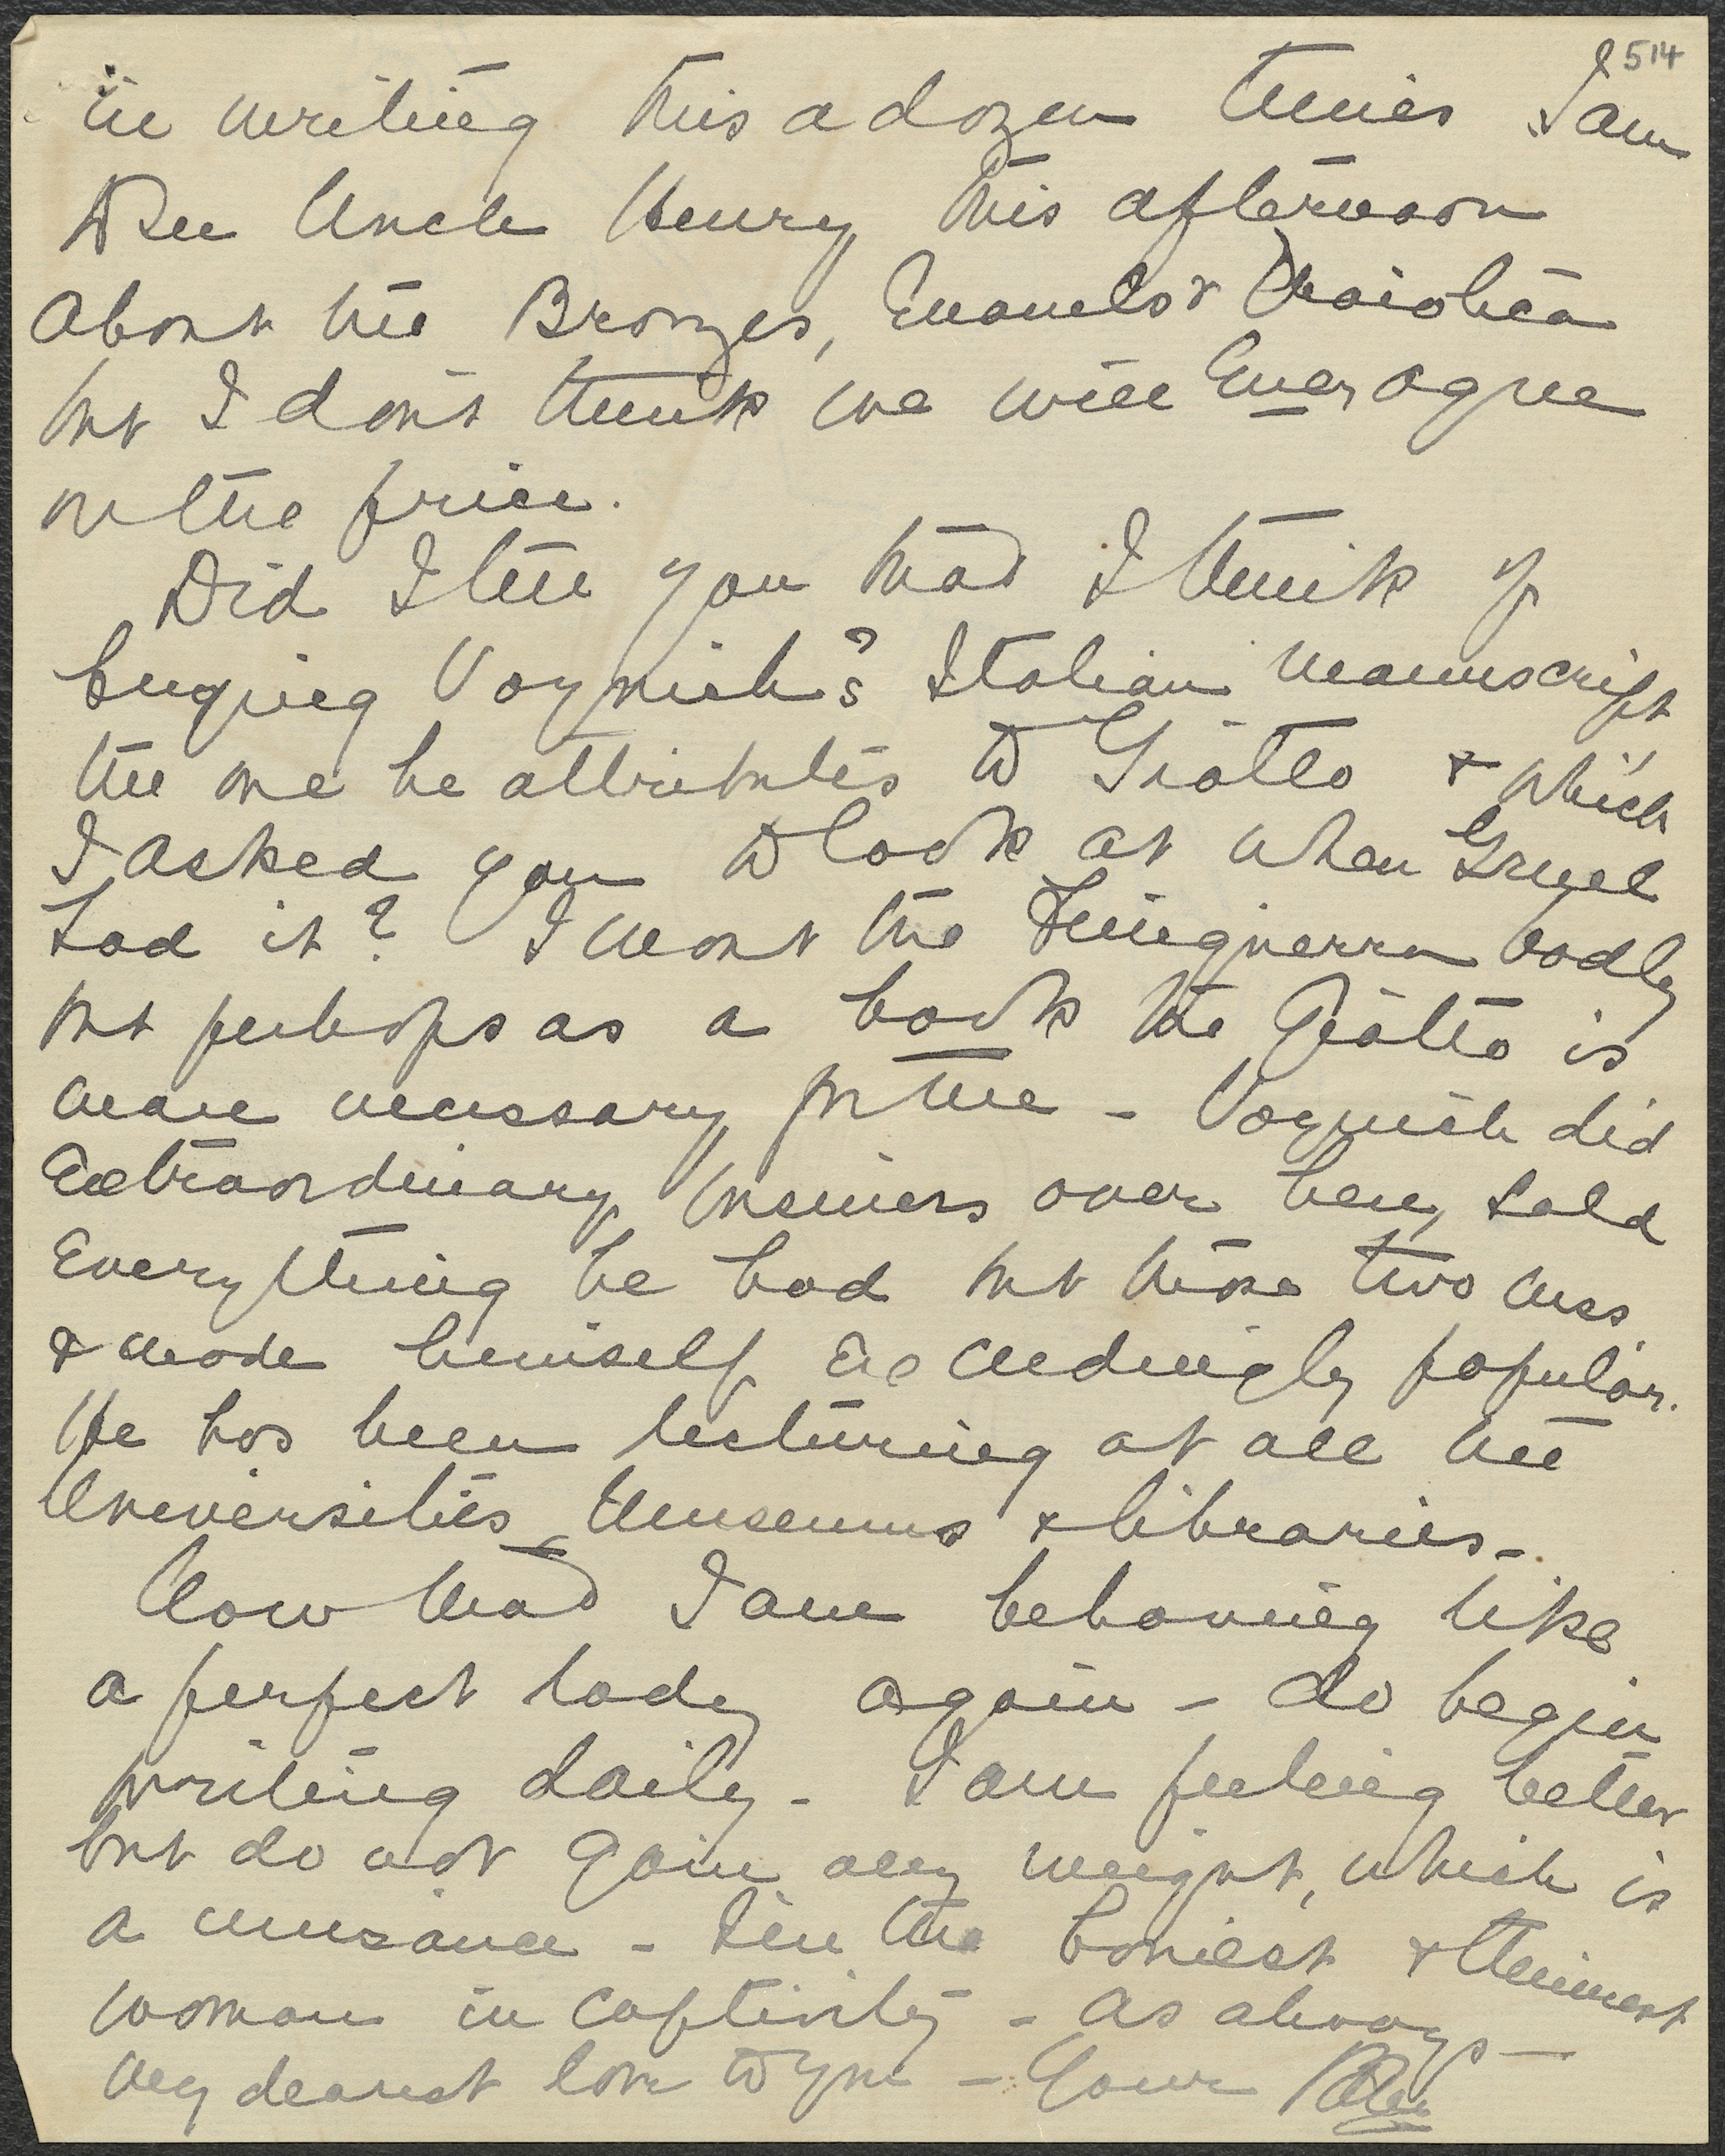in writing this a dozen times I am to see Uncle Henry this afternoon about the Bronzes, Enamels & Maiolica but I don't think we will ever agree on the price.
Did I tell you that I think of buying Voynich's Italian manuscript the one he attributes to Giotto & which I asked you to look at when Gruel had it? I want the Finiguerra badly but perhaps as a book the Giotto is more necessary for me – Voynich did extraordinary business over here, sold everything he had but those two mss. & made himself exceedingly popular. He has been lecturing at all the Universities Museums & libraries –
Now that I am behaving like a perfect lady again – do begin writing daily – I am feeling better but do not gain any weight, which is a nuisance – I'm the boniest & thinnest woman in captivity – as always – my dearest love to you – Your Belle